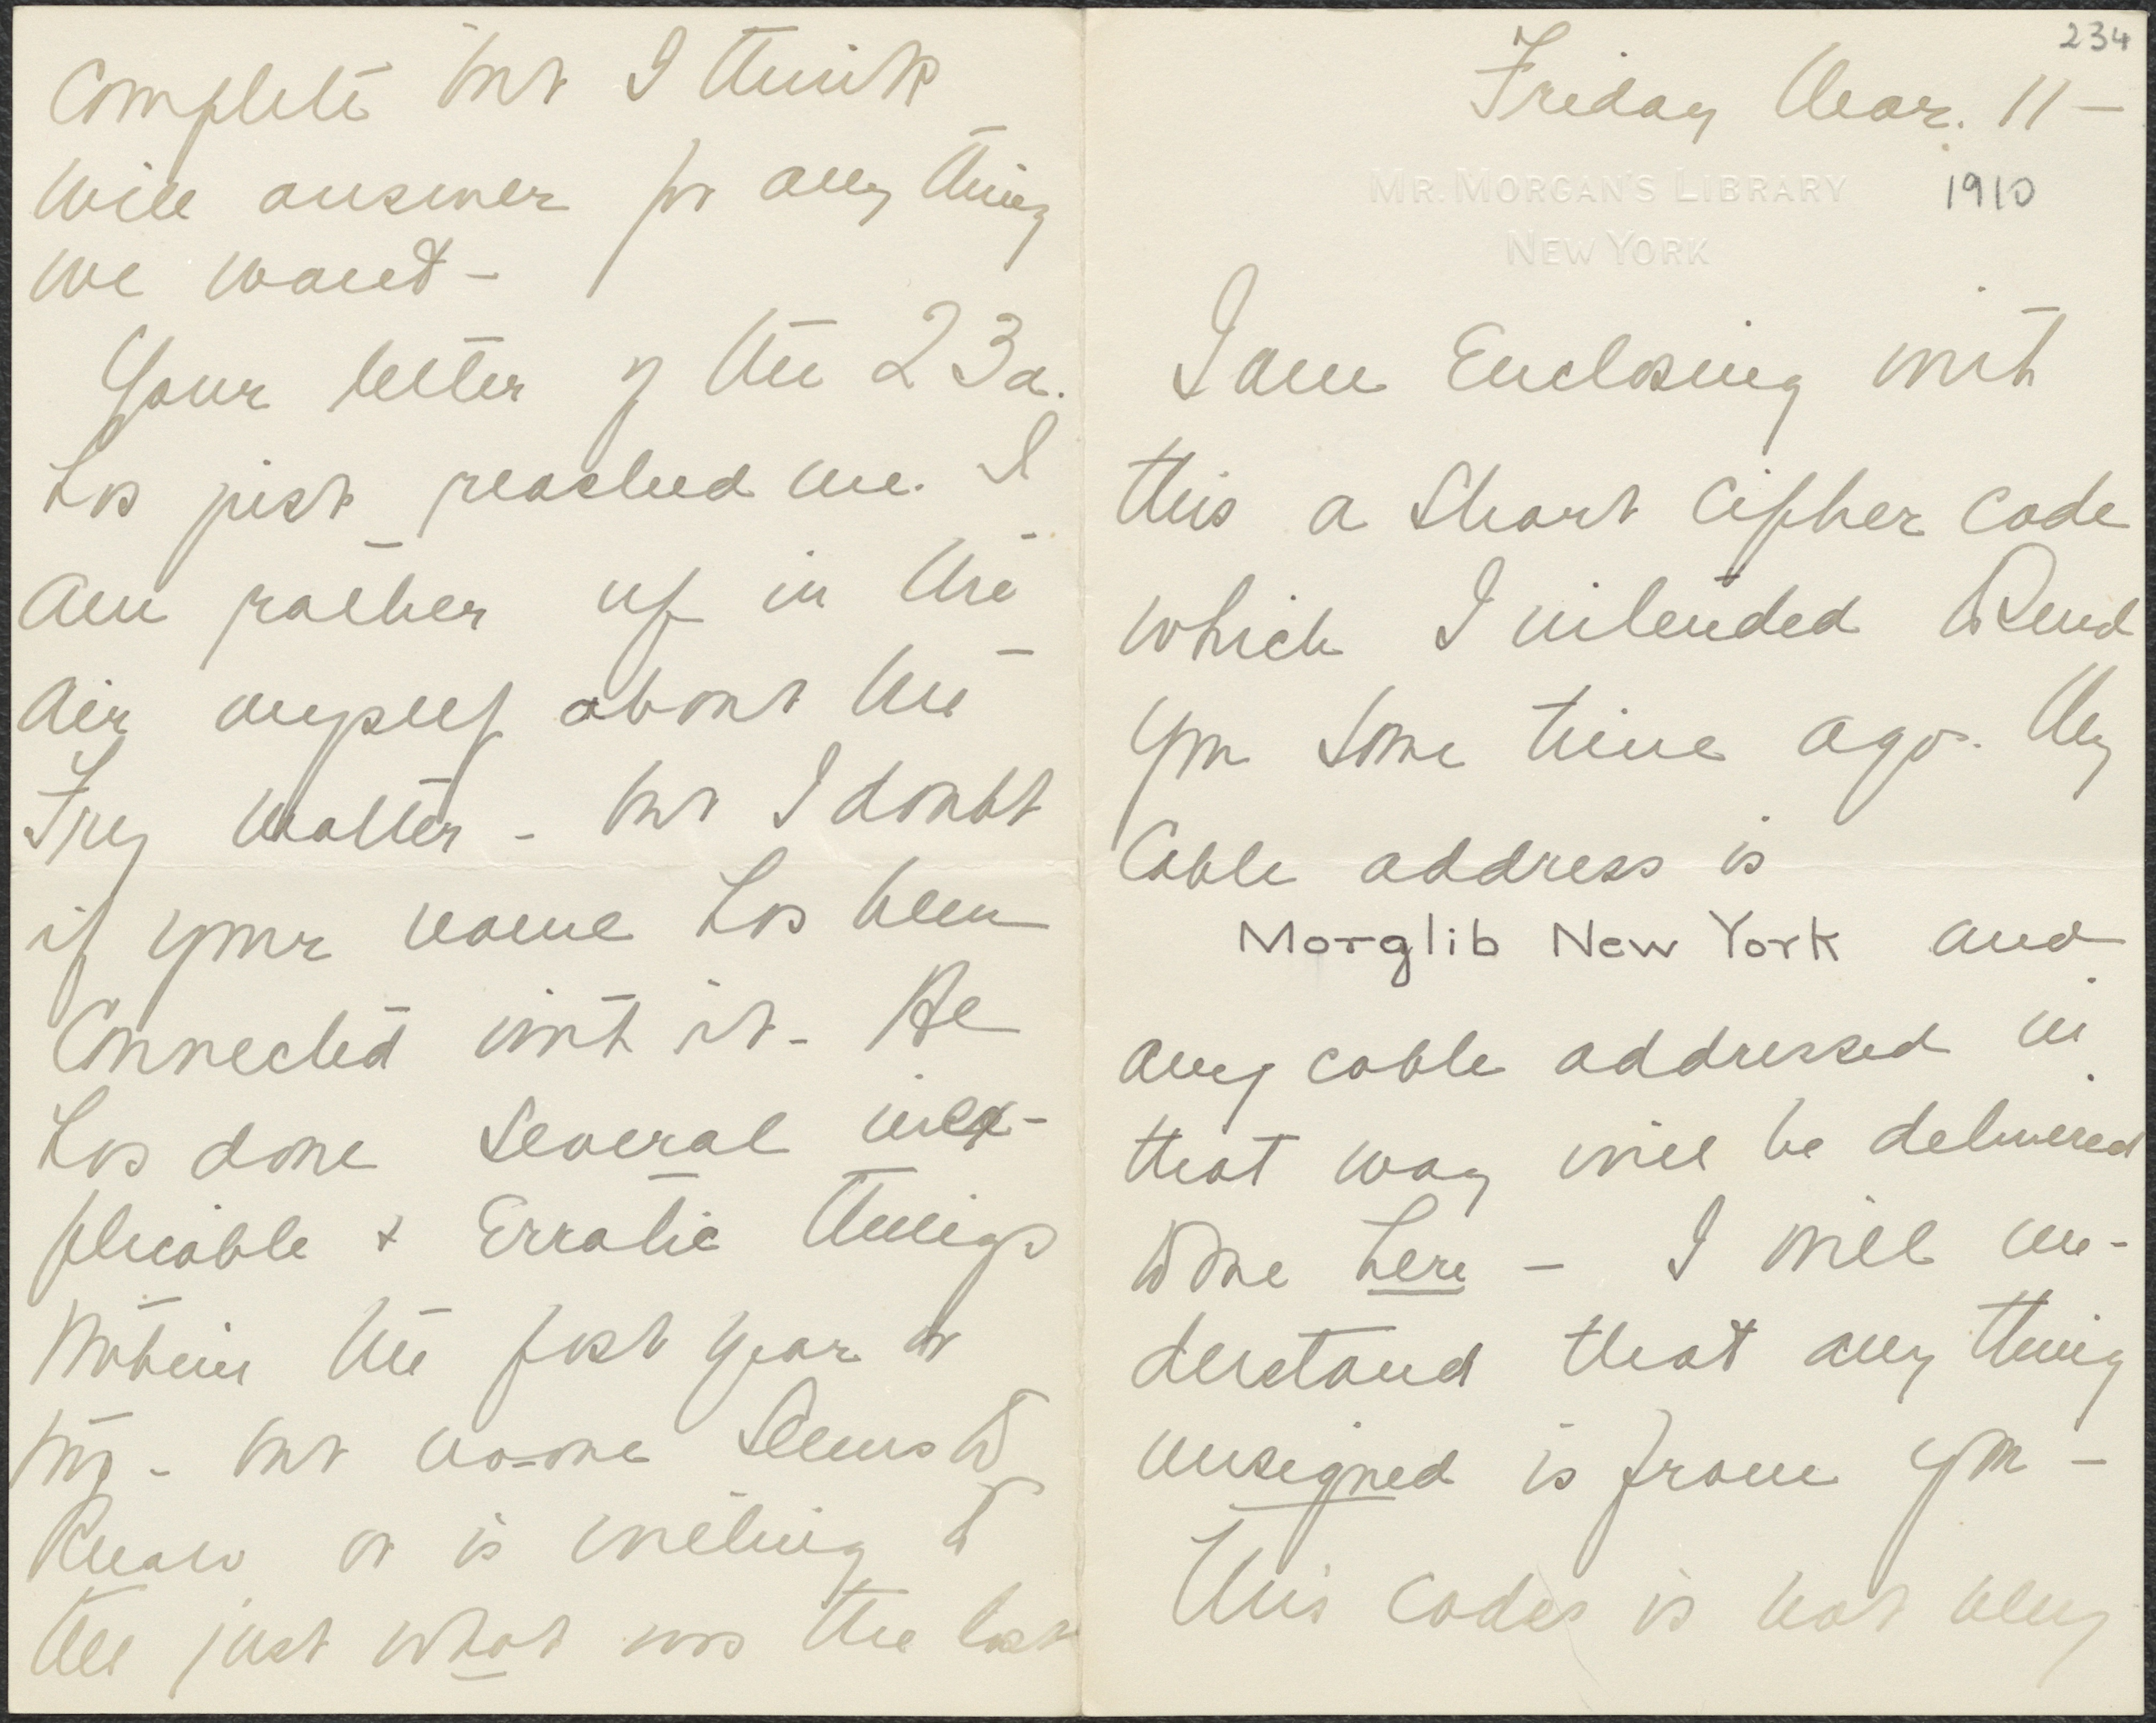Friday Mar. 11 –
I am enclosing with this a short cipher code which I intended to send you some time ago. My cable address is
[in print hand: Morglib New York] and any cable addressed in that way will be delivered to me here – I will understand that any thing unsigned is from you – This code is not very
complete but I think will answer for any thing we want –
Your letter of the 23d. has just reached me. I am rather up in the air myself about the Fry matter – but I doubt if your name has been connected with it – He has done several inexplicable & erratic things within the past year or two – but no-one seems to know or is willing to tell just what was the last